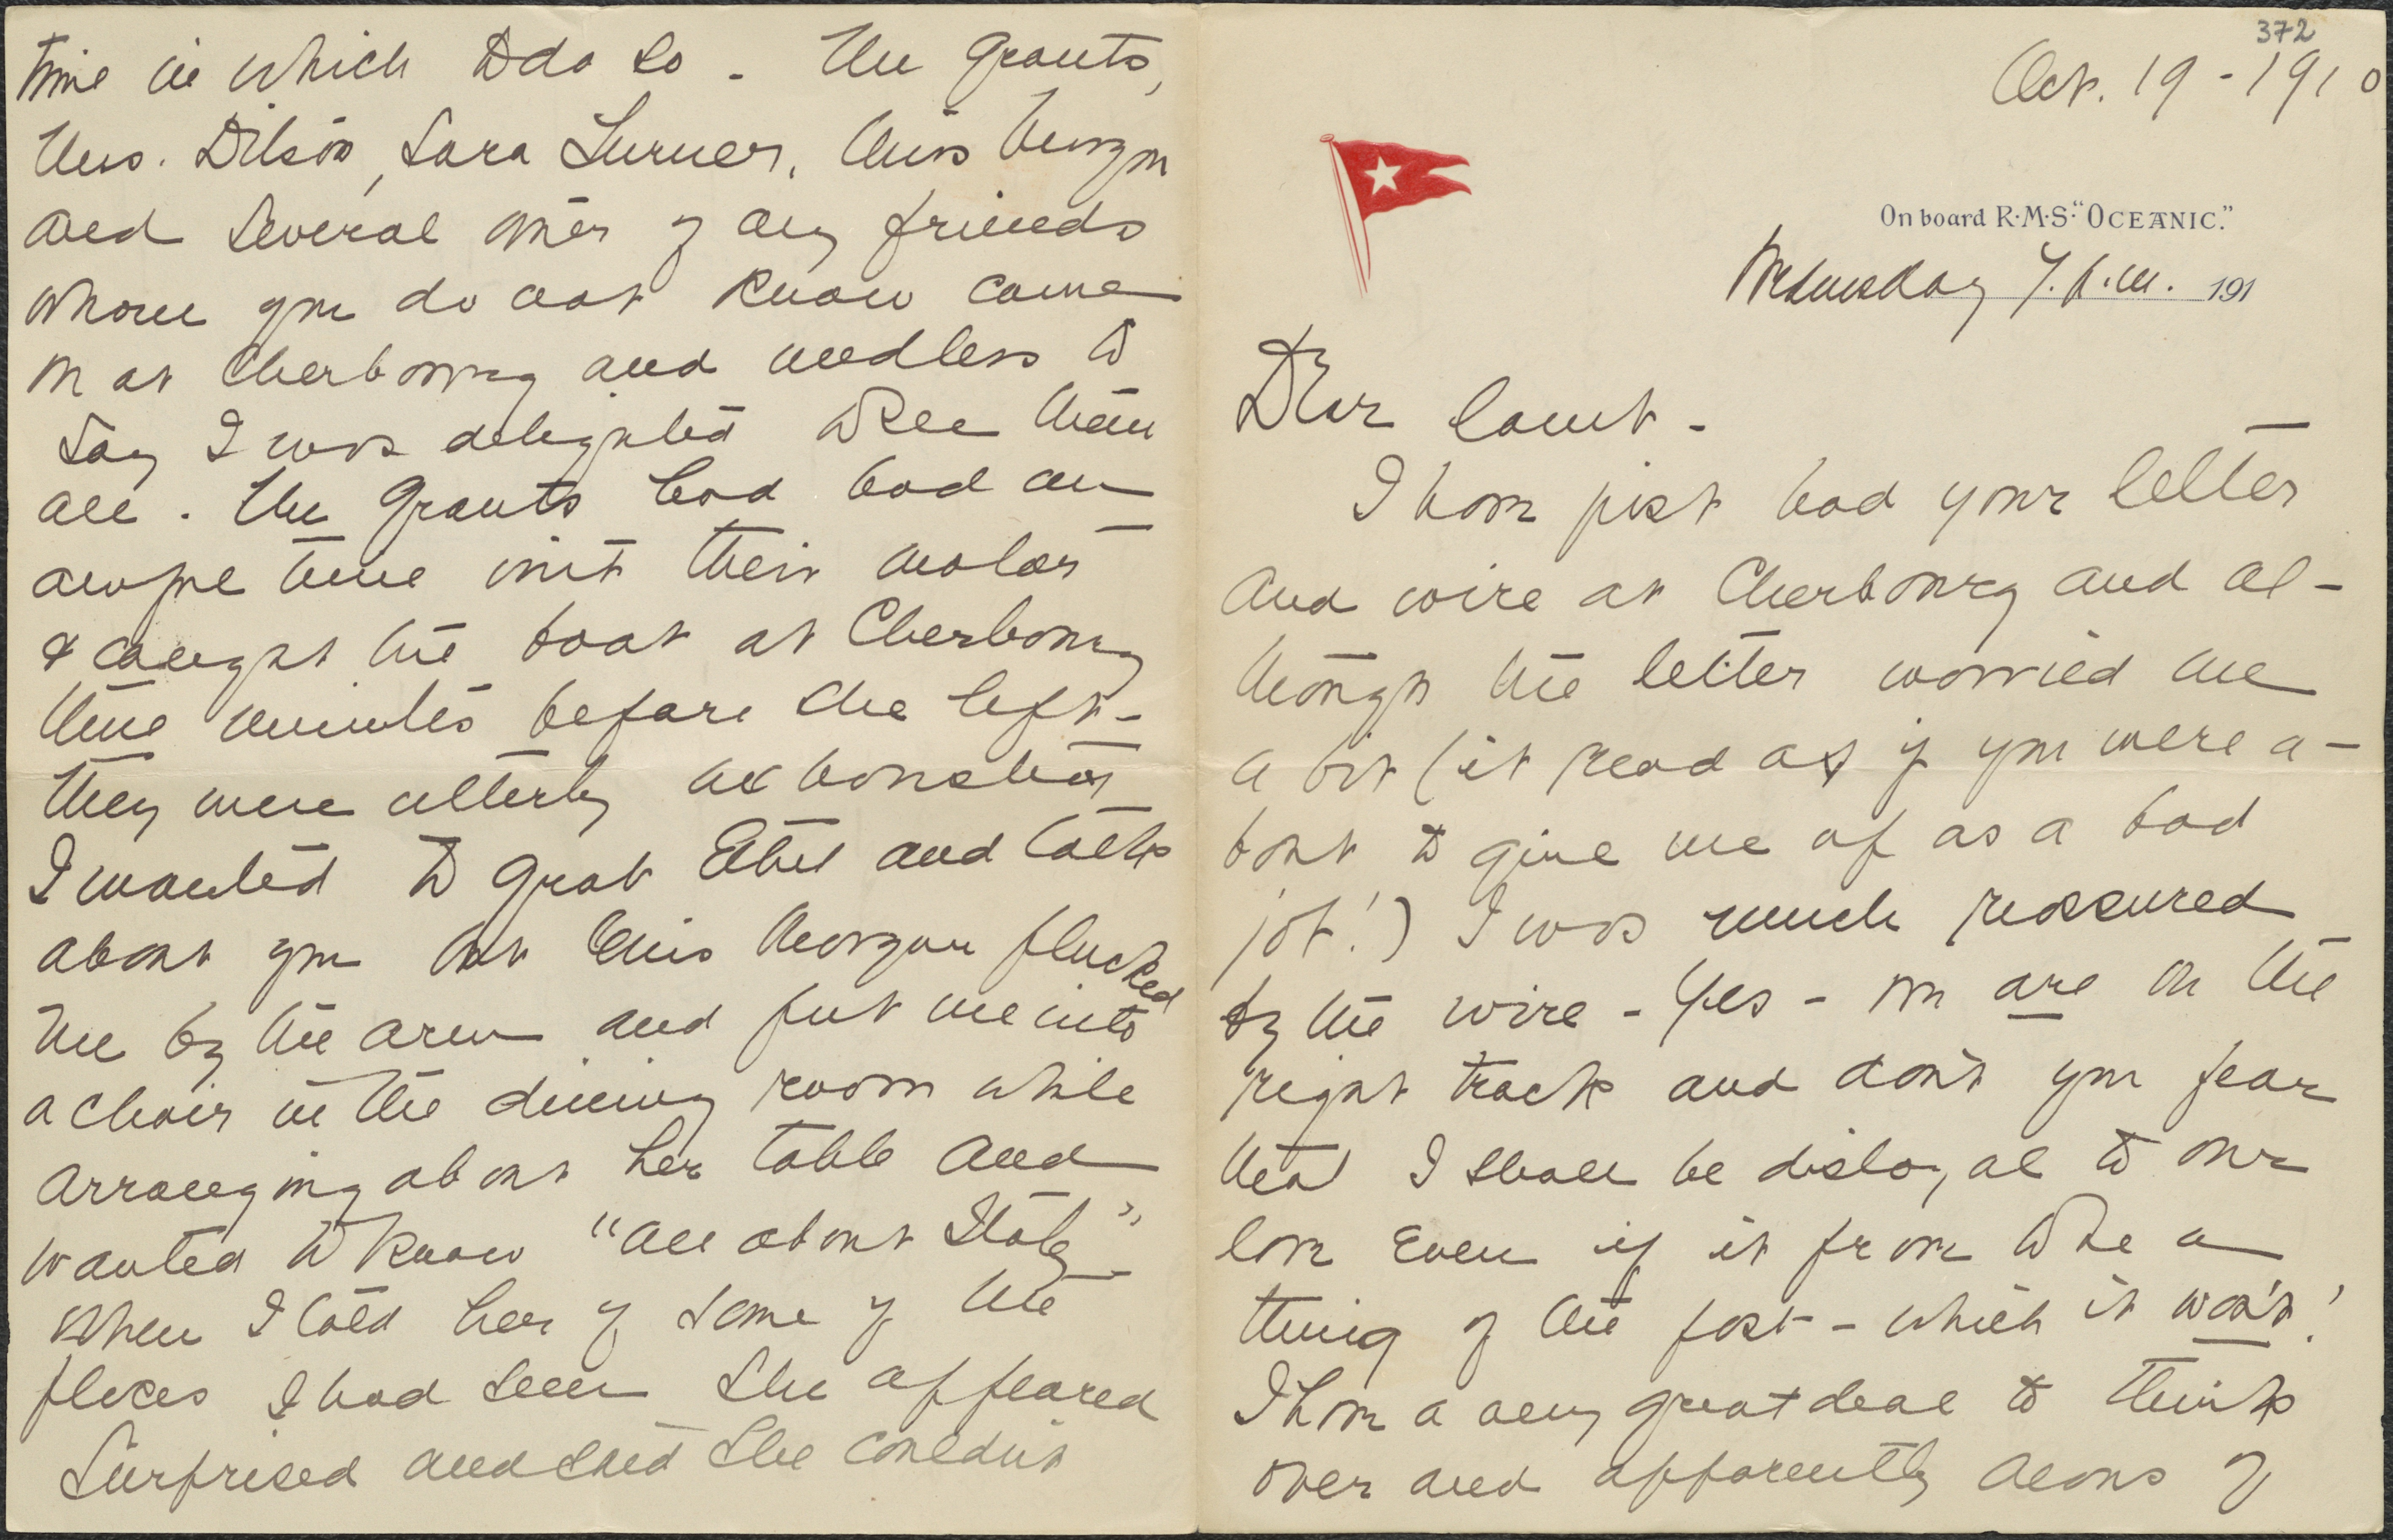Wednesday 7.p.m.
Dear lamb –
I have just had your letter and wire at Cherbourg and although the letter worried me a bit (it read as if you were about to give me up as a bad jot!) I was much reassured by the wire – Yes – we are on the right track and don’t you fear that I shall be disloyal to our love even if it prove to be a thing of the past – which it won’t! I have a very great deal to think over and apparently aeons of
time in which to do so – the Grants, Mrs. Ditson, Sara Turner, Miss Morgan and several other of my friends whom you do not know came on at Cherbourg and needless to say I was delighted to see them all. The Grants had had an awful time with their motor and caught the boat at Cherbourg three minutes before she left – They were utterly exhausting I wanted to grab Ethel and talk about you but Miss Morgan plucked me by the arm and put me into a chair in the dining room while arranging about her table and wanted to know “all about Italy”. When I told her of some of the places I had seen she appeared surprised and said she couldn’t